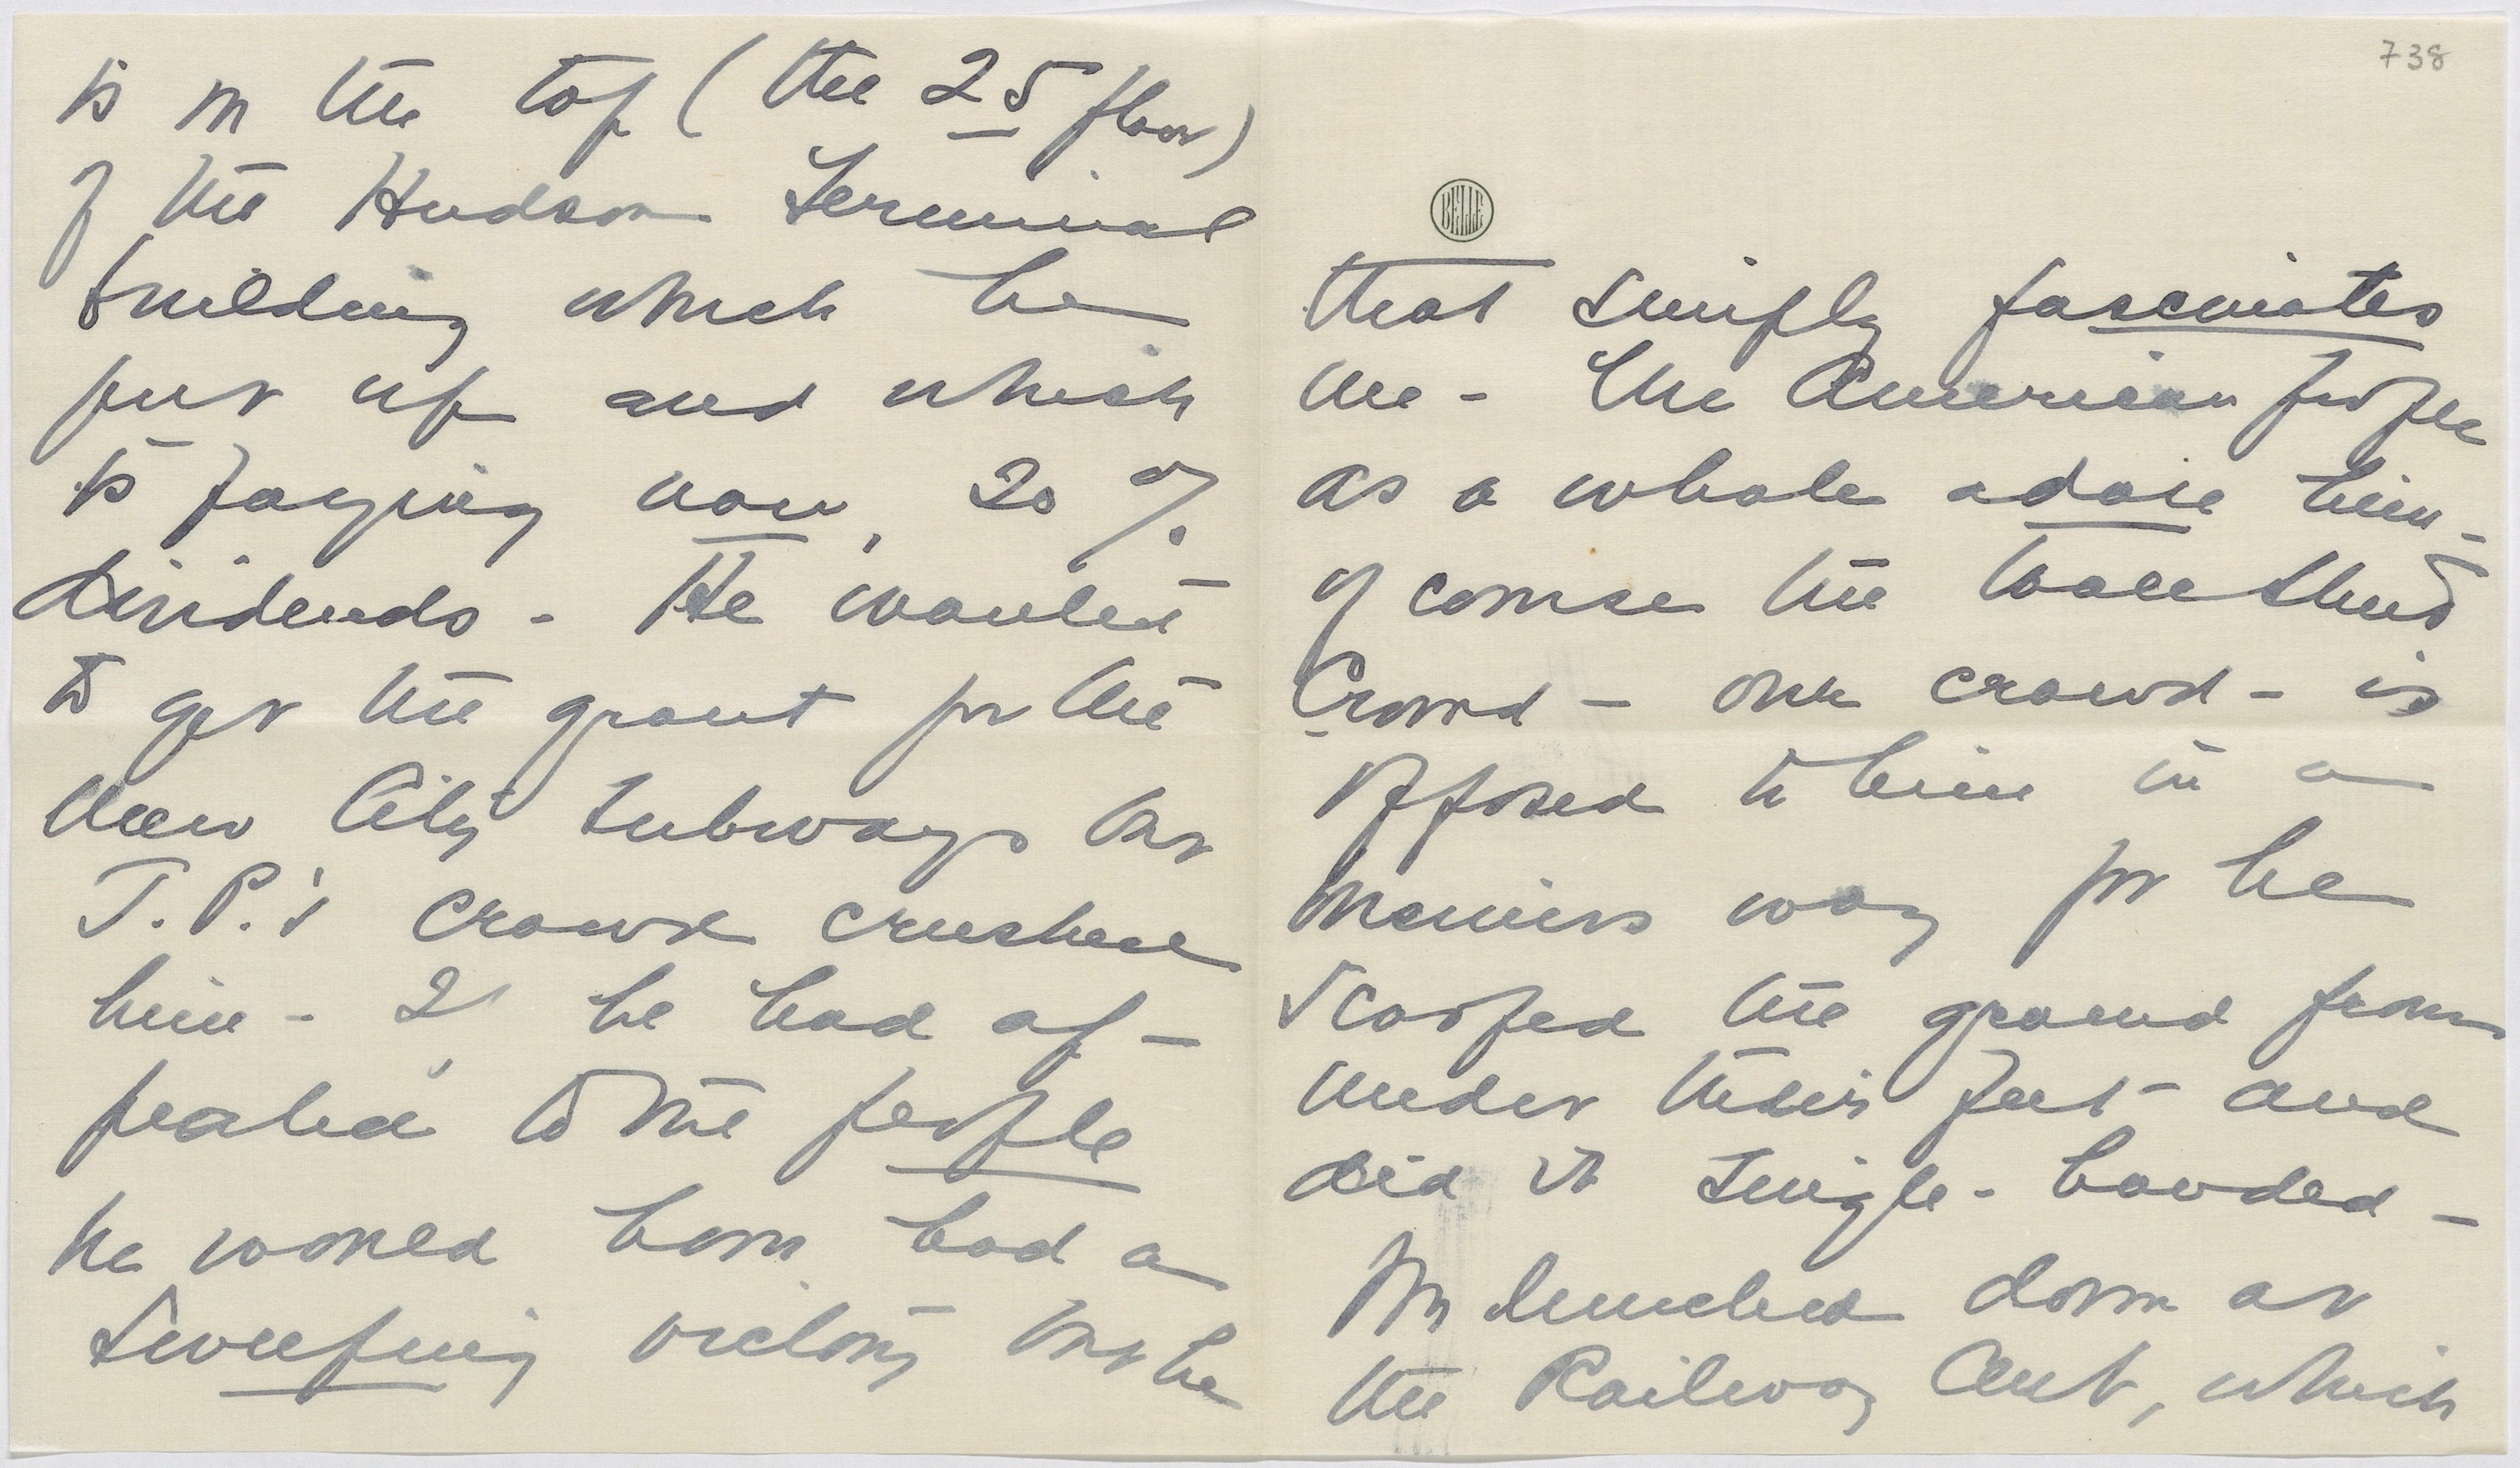that simply fascinates me – The American people as a whole adore him – of course the Wall Street Crowd – our crowd – is opposed to him in a business way for he scooped the ground from under their feet – and did it single-handed – We lunched down at the Railway Club, which
is on the top (the 25 floor) of the Hudson Terminal building which he put up and which is paying now, 20 % dividends. He wanted to get the grant for the New City Subways but J. P.’s crowd crushed him – If he had appealed to the people he would have had a sweeping victory but he